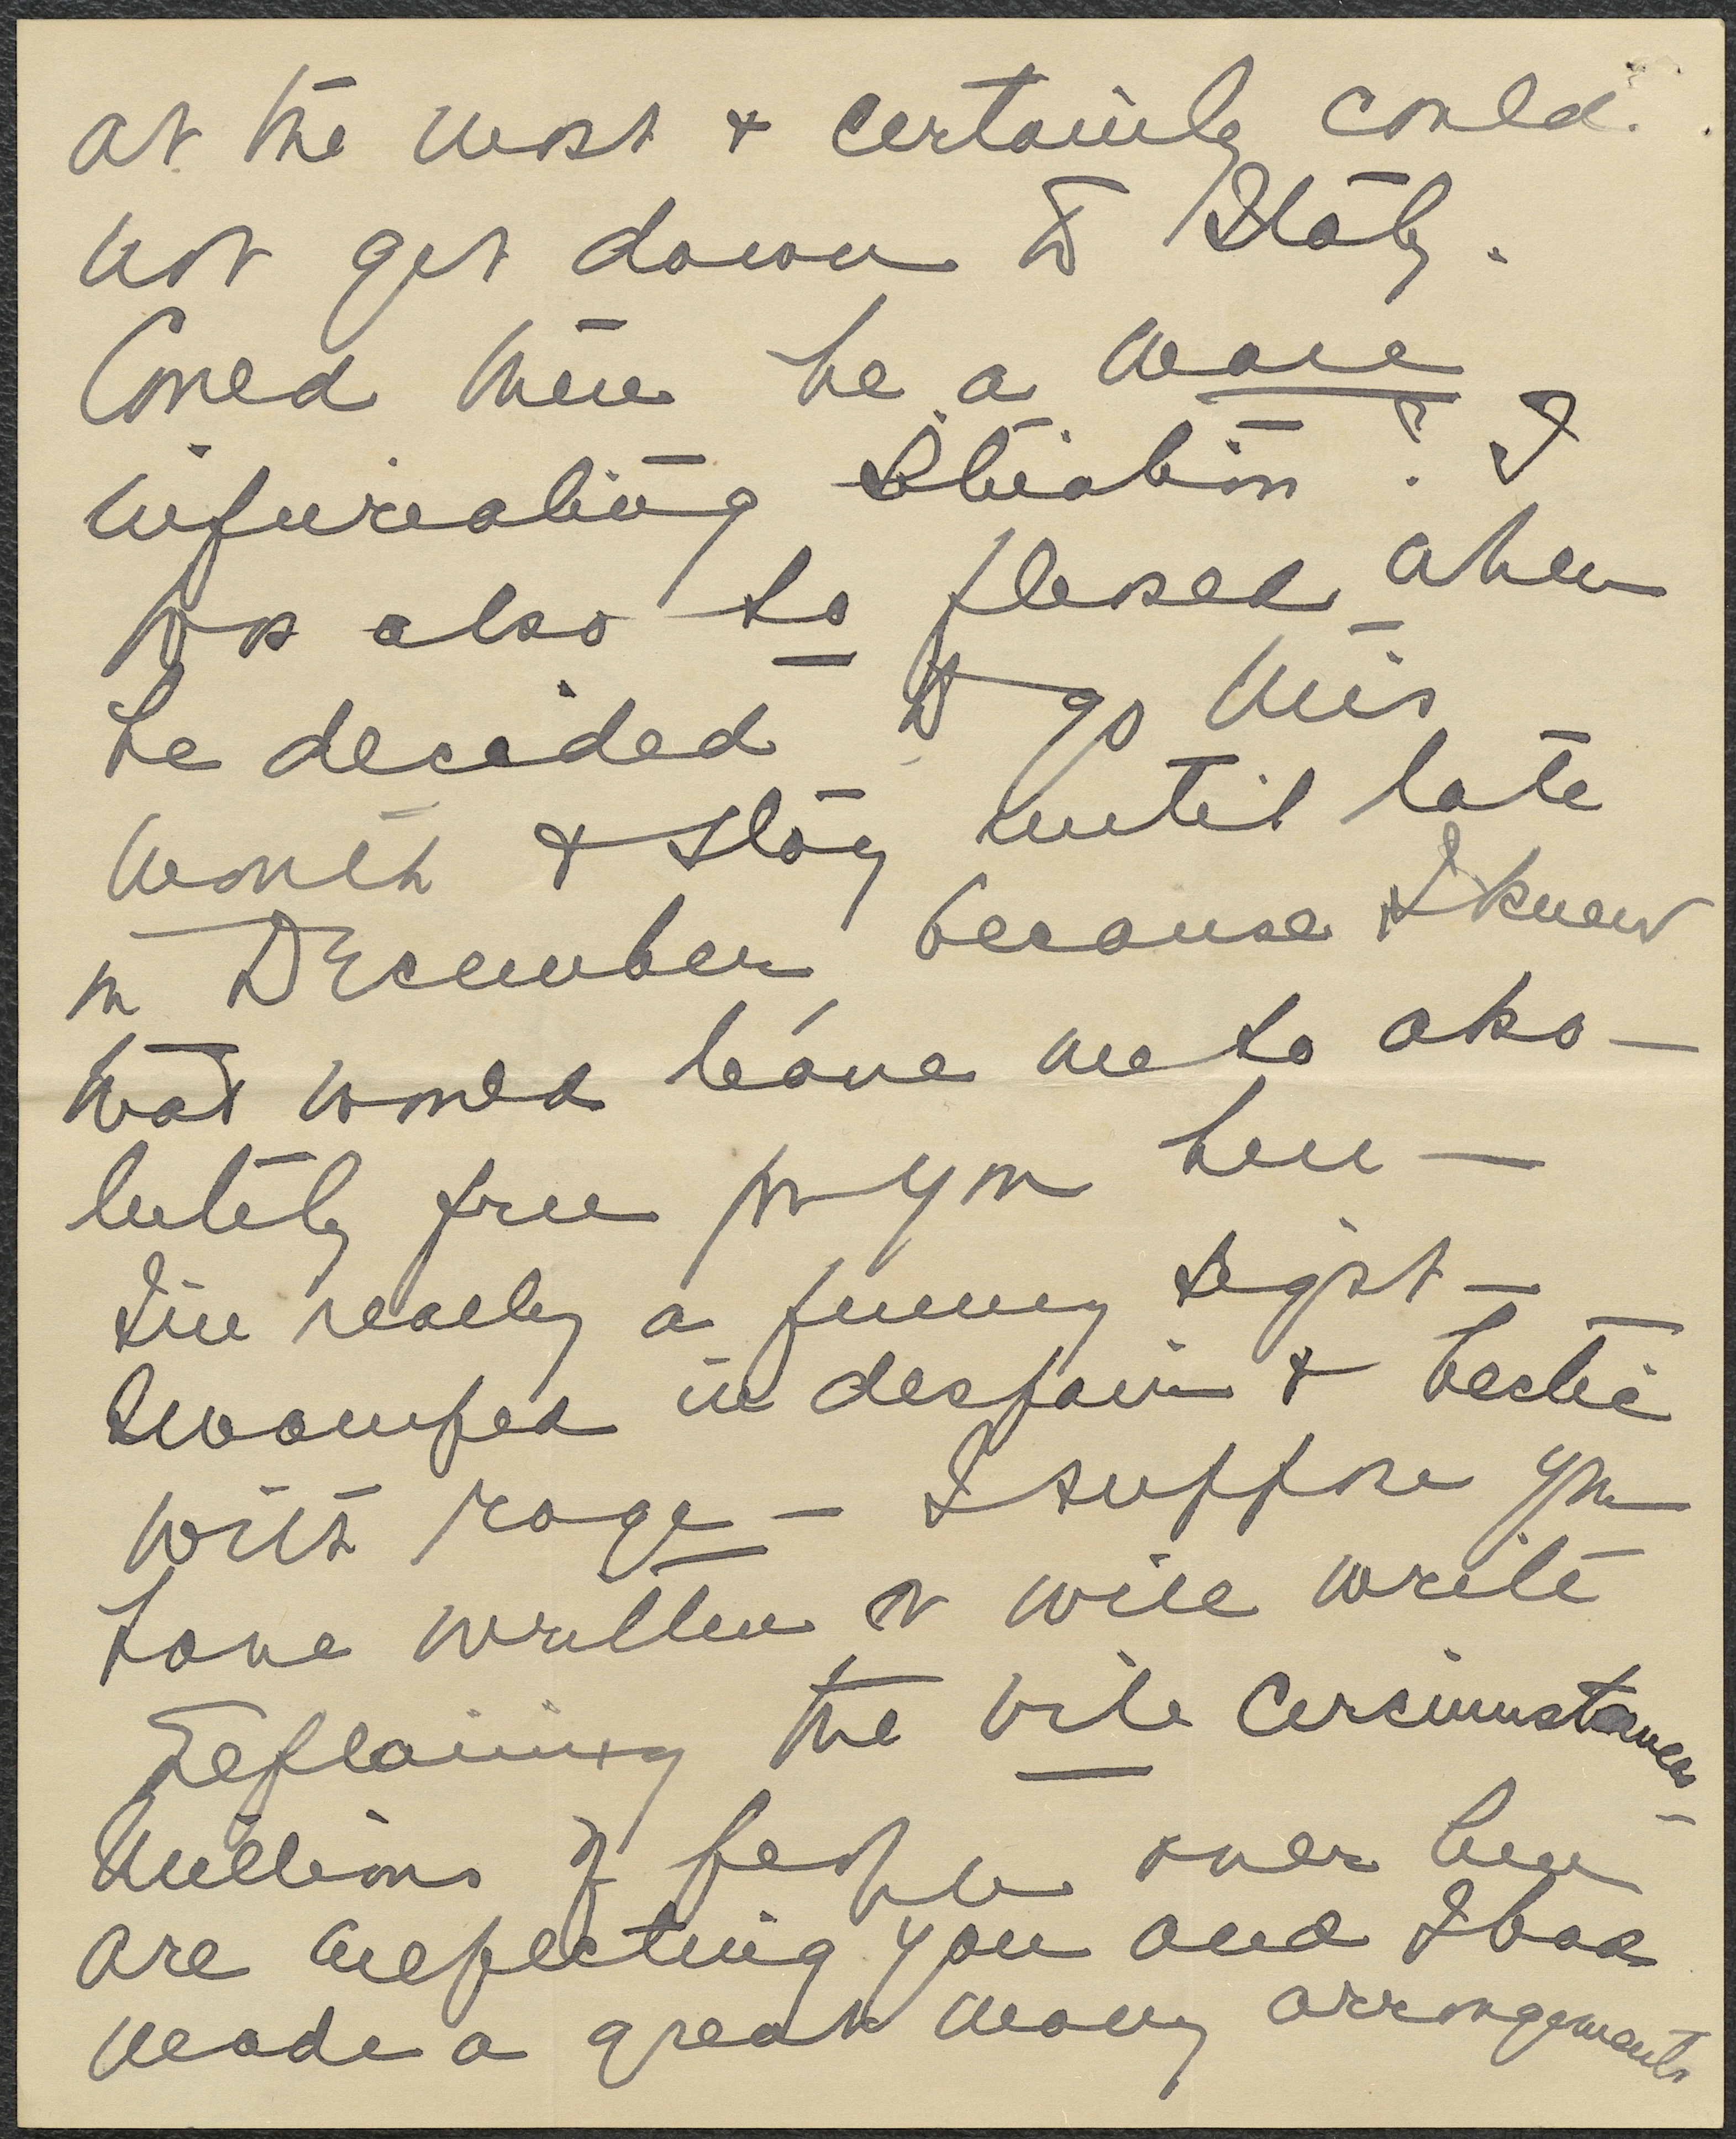at the most & certainly could not get down to Italy – Could there be a more infuriating situation? I was also so pleased when he decided to go this month & stay until late in December, because I knew that would leave me so absolutely free for you here – I’m really a funny sight – swamped in despair & hectic with rage – I suppose you have written or will write explaining the vile circumstances – millions of people over here are expecting you and I had made a great many arrangements